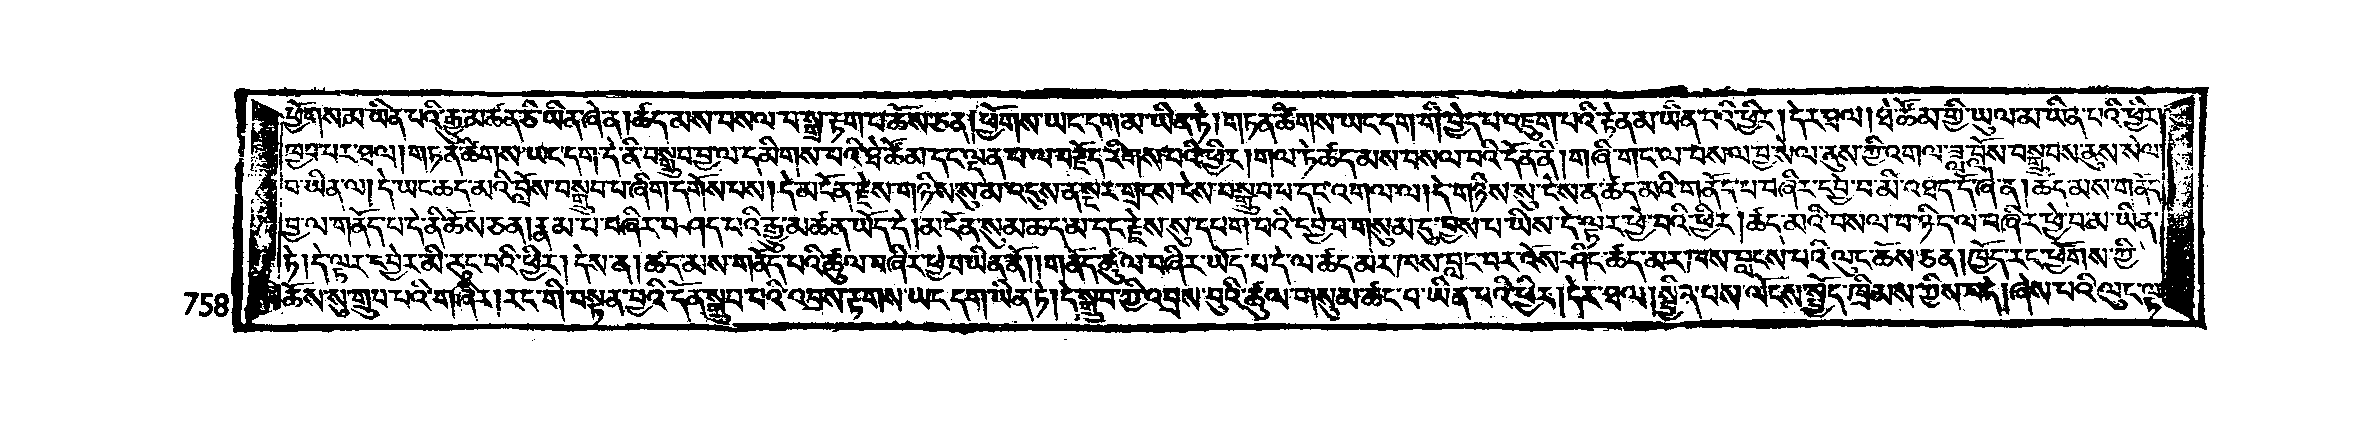ཕྱོགས་མ་ཡིན་པའི་རྒྱུ་མཚན་ཅི་ཡིན་ཞེ་ན། ཚད་མས་བསལ་བ་སྒྲ་རྟག་པ་ཆོས་ཅན། ཕྱོགས་ཡང་དག་མ་ཡིན་ཏེ། གཏན་ཚིགས་ཡང་དག་གི་བྱེད་པ་འཇུག་པའི་རྟེན་མ་ཡིན་པའི་ཕྱིར། དེར་ཐལ། ཐེ་ཚོམ་གྱི་ཡུལ་མ་ཡིན་པའི་ཕྱིར་
ཁྱབ་པར་ཐལ། གཏན་ཚིགས་ཡང་དག་དེ་ནི་བསྒྲུབ་བྱ་ལ་དམིགས་པའི་ཐེ་ཚོམ་དང་ལྡན་པ་ལ་བརྗོད་རིགས་པའི་ཕྱིར། གལ་ཏེ་ཚད་མས་བསལ་བའི་དོན་ནི། གཞི་གང་ལ་བསལ་བྱ་སེལ་ནུས་ཀྱི་འགལ་ཟླ་བློས་བསྒྲུབས་ནུས་སེལ་
བ་ཡིན་ལ། དེ་ཡང་ཚད་མའི་བློས་བསྒྲུབ་པ་ཞིག་དགོས་པས། དེ་མངོན་རྗེས་གཉིས་སུ་མ་འདུས་ན་སྔར་གྲངས་ངེས་བསྒྲུབ་པ་དང་འགལ་ལ། དེ་གཉིས་སུ་ངེས་ན་ཚད་མའི་གནོད་པ་བཞིར་དབྱེ་བ་མི་འཐད་དོ་ཞེ་ན། ཚད་མས་གནོད་
བྱ་ལ་གནོད་པ་དེ་ནི་ཆོས་ཅན། རྣམ་པ་བཞིར་བཤད་པའི་རྒྱུ་མཚན་ཡོད་དེ། མངོན་སུམ་ཚད་མ་དང་རྗེས་སུ་དཔག་པའི་དབྱེ་བ་གསུམ་དུ་བྱས་པ་ཡིས་དེ་ལྟར་ཕྱེ་བའི་ཕྱིར། ཚད་མའི་བསལ་བ་ཉིད་ལ་བཞིར་ཕྱེ་བ་མ་ཡིན་
ཏེ། དེ་ལྟར་དབྱེར་མི་རུང་བའི་ཕྱིར། དེས་ན། ཚད་མས་གནོད་པའི་ཚུལ་བཞིར་ཕྱེ་བ་ཡིན་ནོ། །གནོད་ཚུལ་བཞིར་ཡོད་པ་དེ་ལ་ཚད་མར་ཁས་བླང་བར་འོས་ཤིང་ཚད་མར་ཁས་བླངས་པའི་ལུང་ཆོས་ཅན། ཁྱོད་རང་ཕྱོགས་ཀྱི་
ཆོས་སུ་གྲུབ་པའི་གཞིར། རང་གི་བསྟན་བྱའི་དོན་སྒྲུབ་པའི་འབྲས་རྟགས་ཡང་དག་ཡིན་ཏེ། དེ་སྒྲུབ་ཀྱི་འབྲས་བུའི་ཚུལ་གསུམ་ཚང་བ་ཡིན་པའི་ཕྱིར། དེར་ཐལ། སྦྱིན་པས་ལོངས་སྤྱོད་ཁྲིམས་ཀྱིས་བདེ། ཞེས་པའི་ལུང་ལྟ་